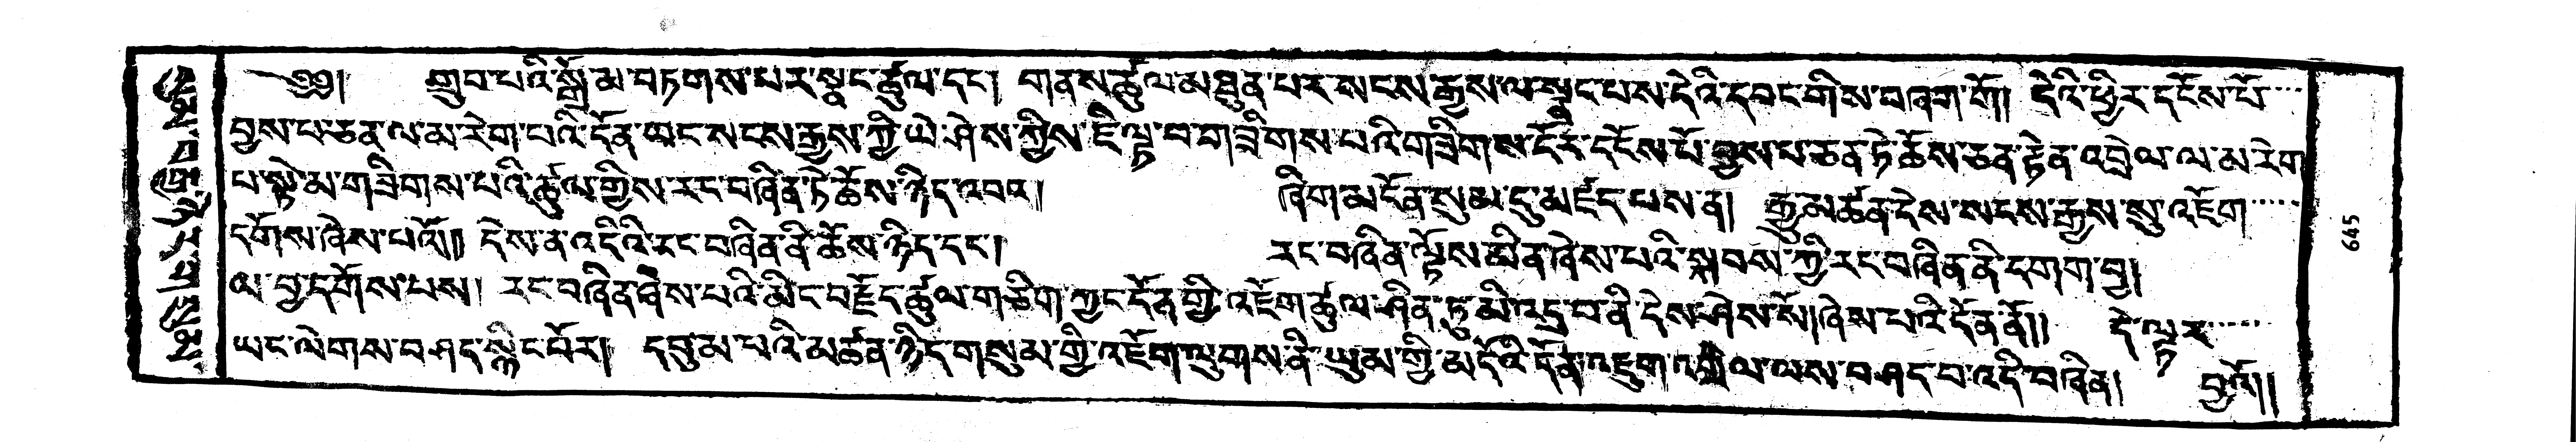༄༅། །གྲུབ་པའི་སྒྲོ་མ་བཏགས་པར་སྣང་ཚུལ་དང་། གནས་ཚུལ་མཐུན་པར་སངས་རྒྱས་ལ་སྣང་པས་དེའི་དབང་གིས་བཞག་གོ། དེའི་ཕྱིར་དངོས་པོ་
བྱས་པ་ཅན་ལ་མ་རེག་པའི་དོན་ཡང་སངས་རྒྱས་ཀྱི་ཡེ་ཤེས་ཀྱིས་ཇི་ལྟ་བ་གཟིགས་པའི་གཟིགས་ངོར་དངོས་པོ་བྱས་པ་ཅན་ཏེ་ཆོས་ཅན་རྟེན་འབྲེལ་ལ་མ་རེག་
པ་སྟེ་མ་གཟིགས་པའི་ཚུལ་གྱིས་རང་བཞིན་ཏེ་ཆོས་ཉིད་འབའ། ཞིག་མངོན་སུམ་དུ་མཛད་པས་ན། རྒྱུ་མཚན་ངེས་སངས་རྒྱས་སུ་འཇོག་
དགོས་ཞེས་པའོ།། དེས་ན་འདིའི་རང་བཞིན་ནི་ཆོས་ཉིད་དང་། རང་བཞིན་ལྟོས་མིན་ཞེས་པའི་སྐབས་ཀྱི་རང་བཞིན་ནི་དགག་བྱ།
ལ་བྱ་དགོས་པས། རང་བཞིན་ཞེས་པའི་མིང་བརྗོད་ཚུལ་གཅིག་ཀྱང་དོན་གྱི་འཇོག་ཚུལ་ཤིན་ཏུ་མི་འདྲ་བ་ནི་དེས་ཤེས་སོ། ཞེས་པའི་དོན་ནོ།། དེ་ལྟར་
ཡང་ལེགས་བཤད་སྙིང་པོར། དབུ་མ་པའི་མཚན་ཉིད་གསུམ་གྱི་འཇོག་ལུགས་ནི་ཡུམ་གྱི་མདོའི་དོན་འཇུག་འགྲེལ་ལས་བཤད་པ་འདི་བཞིན། བྱའོ།།